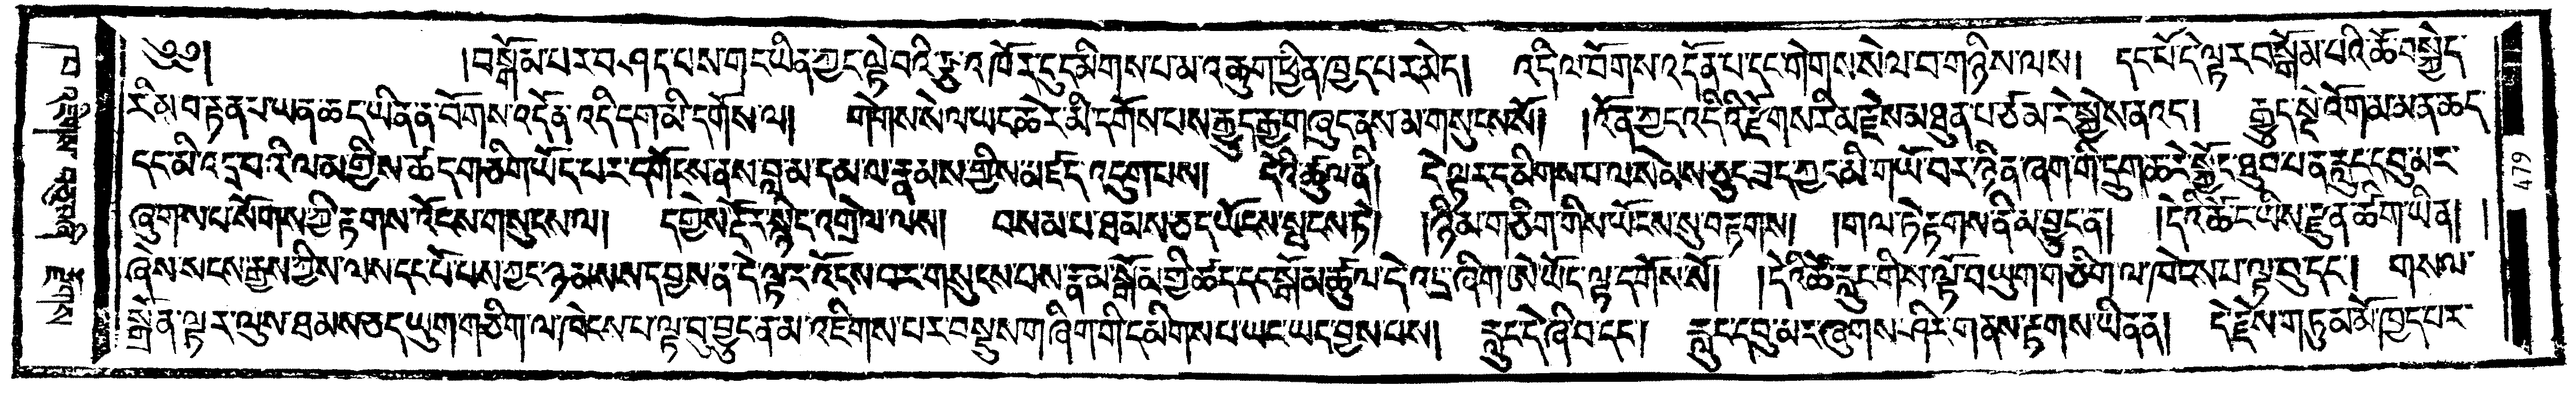༄༅། །བསྒོམ་པར་བཤད་པས་གང་ཡིན་ཀྱང་ལྟེ་བའི་རྩ་འཁོར་དུ་དམིགས་པ་མ་འཆུག་ཕྱིན་ཁྱད་པར་མེད། འདི་ལ་བོགས་འདོན་པ་དང་གེགས་སེལ་བ་གཉིས་ལས། དང་པོ་དེ་ལྟར་བསྒོམ་པའི་ཚེ་བསྐྱེད་
རིམ་བརྟན་པ་ཡན་ཆད་ཡིན་ན་བོགས་འདོན་འདི་དག་མི་དགོས་ལ། གེགས་སེལ་ཡང་ཆེར་མི་དགོས་པས་རྒྱུད་རྒྱ་གཞུང་ནས་མ་གསུངས་སོ། །འོན་ཀྱང་འདིའི་རྫོགས་རིམ་རྗེས་མཐུན་པ་ཙམ་རེ་སྐྱེས་ནའང་། རྒྱུད་སྡེ་འོག་མ་མན་ཆད་
དང་མི་འདྲ་བའི་ལམ་གྱིས་ཚད་གཅིག་ཡོད་པར་དགོངས་ནས་བླ་མ་དམ་ལ་རྣམས་གྱིས་མཛད་འདུག་པས། དེའི་ཚུལ་ནི། དེ་ལྟར་དམིགས་པ་ལ་སེམས་ཅུང་ཟད་ཀྱང་མི་གཡོ་བར་ཉིན་ཞག་གི་དྲུག་ཆ་རེ་སྐྱོང་ཐུབ་པ་ན་རླུང་དབུ་མར་
ཞུགས་པ་སོགས་ཀྱི་རྟགས་འོངས་གསུངས་ལ། དགྱེས་རྡོར་སྙིང་འགྲེལ་ལས། བསམ་པ་ཐམས་ཅད་ཡོངས་སྤངས་ཏེ། །ཉི་མ་གཅིག་གིས་ཡོངས་སུ་བརྟགས། །གལ་ཏེ་རྟགས་ནི་མ་བྱུང་ན། །དེའི་ཚེ་ང་ཡིས་རྫུན་ཚིག་ཡིན། །
ཞེས་སངས་རྒྱས་ཀྱིས་ལས་དང་པོ་པས་ཀྱང་ཉམས་སད་བྱས་ན་དེ་ལྟར་འོངས་པར་གསུངས་པས་རྣམ་སྒོམ་གྱི་ཚད་དང་སྒོམ་ཚུལ་དེ་འདྲ་ཞིག་ཨེ་ཡོད་ལྟ་དགོས་སོ། །དེའི་ཚེ་རླུང་གིས་ལྟོ་བ་ཡུག་གཅིག་ལ་ཁེངས་པ་ལྟ་བུ་དང་། གསལ་
སྒྲོན་ལྟར་ལུས་ཐམས་ཅད་ཡུག་གཅིག་ལ་ཁེངས་པ་ལྟ་བུ་བྱུང་ན་མ་འཇིགས་པར་བསྡུས་གཞིག་གི་དམིགས་པ་ཡང་ཡང་བྱས་པས། རླུང་དེ་ཞི་བ་དང་། རླུང་དབུ་མར་ཞུགས་ཤིང་གནས་རྟགས་ཡིན་ན། དེ་རྗེས་གཏུམ་མོ་ཁྱད་པར་